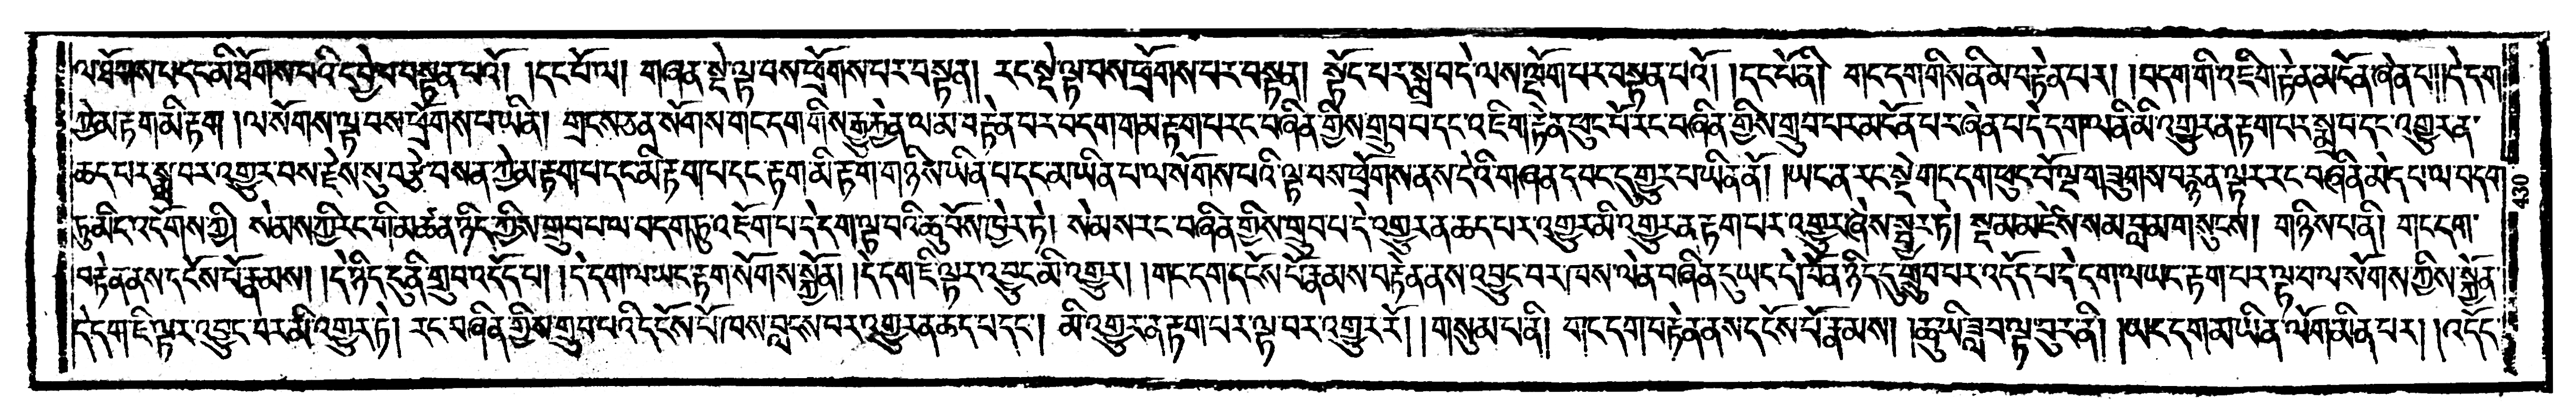ལ་ཐོགས་པ་དང་མི་ཐོགས་པའི་དབྱེ་བ་བསྟན་པའོ། །དང་པོ་ལ། གཞན་སྡེ་ལྟ་བས་ཕྲོགས་པར་བསྟན། རང་སྡེ་ལྟ་བས་ཕྲོགས་པར་བསྟན། སྟོང་པར་སྨྲ་བ་དེ་ལས་ལྡོག་པར་བསྟན་པའོ། །དང་པོ་ནི། གང་དག་གིས་ནི་མ་བརྟེན་པར། །བདག་གི་འཇིག་རྟེན་མངོན་ཞེན་པ། །དེ་དག་
ཀྱེ་མ་རྟག་མི་རྟག །ལ་སོགས་ལྟ་བས་ཕྲོགས་པ་ཡིན། གྲངས་ཅན་སོགས་གང་དག་གིས་རྒྱུ་རྐྱེན་ལ་མ་བརྟེན་པར་བདག་གམ་རྟག་པ་རང་བཞིན་གྱིས་གྲུབ་པ་དང་འཇིག་རྟེན་ཕུང་པོ་རང་བཞིན་གྱིས་གྲུབ་པར་མངོན་པར་ཞེན་པ་དེ་དག་ལ་ནི་མི་འགྱུར་ན་རྟག་པར་སྨྲ་བ་དང་འགྱུར་ན་
ཆད་པར་སྨྲ་བར་འགྱུར་བས་རྗེས་སུ་བརྩེ་བས་ན་ཀྱེ་མ་རྟག་པ་དང་མི་རྟག་པ་དང་མི་རྟག་གཉིས་ཡིན་པ་དང་མ་ཡིན་པ་ལ་སོགས་པའི་ལྟ་བས་ཕྲོགས་ནས་དེའི་གཞན་དབང་དུ་གྱུར་པ་ཡིན་ནོ། །ཡང་ན་རང་སྡེ་གང་དག་ཕུང་པོ་ལྔ་གཟུགས་བརྙན་ལྟར་རང་བཞིན་མེད་པ་ལ་བདག་
ཏུ་མིང་འདོགས་ཀྱི། སེམས་ཀྱི་རང་གི་མཚན་ཉིད་ཀྱིས་གྲུབ་པ་ལ་བདག་ཏུ་འཇོག་པ་དེ་དག་ལྟ་བའི་ཆུ་བོས་ཁྱེར་ཏེ། སེམས་རང་བཞིན་གྱིས་གྲུབ་པ་དེ་འགྱུར་ན་ཆད་པར་འགྱུར་མི་འགྱུར་ན་རྟག་པར་འགྱུར་ཞེས་སྦྱར་ཏེ། སྔ་མ་མཛེས་སམ་བླ་མ་གསུངས། གཉིས་པ་ནི། གང་དག་
བརྟེན་ནས་དངོས་པོ་རྣམས། །དེ་ཉིད་དུ་ནི་གྲུབ་འདོད་པ། །དེ་དག་ལ་ཡང་རྟག་སོགས་སྐྱོན། །དེ་དག་ཇི་ལྟར་འབྱུང་མི་འགྱུར། །གང་དག་དངོས་པོ་རྣམས་བརྟེན་ནས་འབྱུང་བར་ཁས་ལེན་བཞིན་དུ་ཡང་དེ་ཁོ་ན་ཉིད་དུ་གྲུབ་པར་འདོད་པ་དེ་དག་ལ་ཡང་རྟག་པར་ལྟ་བ་ལ་སོགས་ཀྱིས་སྐྱོན་
དེ་དག་ཇི་ལྟར་འབྱུང་བར་མི་འགྱུར་ཏེ། རང་བཞིན་གྱིས་གྲུབ་པའི་དངོས་པོ་ཁས་བླངས་བར་འགྱུར་ན་ཆད་པ་དང་། མི་འགྱུར་ན་རྟག་པར་ལྟ་བར་འགྱུར་རོ། །གསུམ་པ་ནི། གང་དག་བརྟེན་ནས་དངོས་པོ་རྣམས། །ཆུ་ཡི་ཟླ་བ་ལྟ་བུར་ནི། །ཡང་དག་མ་ཡིན་ལོག་མིན་པར། །འདོད་